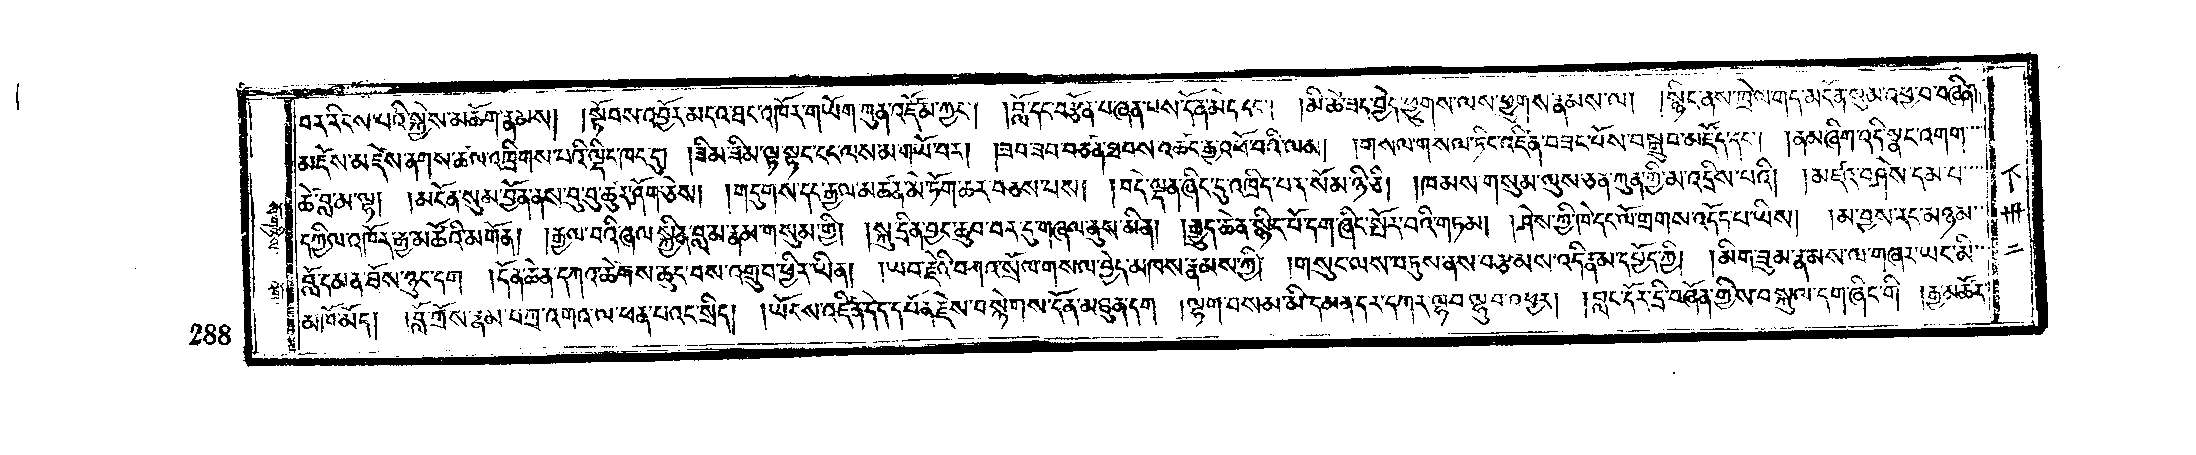བར་རིངས་པའི་སྐྱེས་མཆོག་རྣམས། །སྟོབས་འབྱོར་མངའ་ཐང་འཁོར་གཡོག་ཀུན་འཛོམ་ཀྱང་། །བློ་དང་བརྩོན་པ་ཞན་པས་དོན་མེད་དང་། །མི་ཚེ་ཟད་བྱེད་ཕྱུགས་ལས་ཕྱུགས་རྣམས་ལ། །སྙིང་ནས་ཁྲེལ་གད་མངོན་སུམ་འཕྱ་བ་བཞིན།
མཛེས་མཛེས་ནགས་ཚལ་འཁྲིགས་པའི་ལྡིང་ཁང་དུ། །ཟིམ་ཟིམ་ལྟ་སྟང་ངང་ལས་མ་གཡོ་བར། །ཟབ་ཟབ་བཙན་ཐབས་འཚང་རྒྱ་འཕོ་བའི་ལམ། །གསལ་གསལ་ཏིང་འཛིན་བཟང་པོས་བསྒྲུབ་མཛོད་དང་། །ནམ་ཞིག་འདི་སྣང་འགག་
ཚེ་བླ་མ་ལྷ། །མངོན་སུམ་བྱོན་ནས་བུ་བུ་ཚུར་ཤོག་ཅེས། །གདུགས་དང་རྒྱལ་མཚན་མེ་ཏོག་ཆར་བཅས་པས། །བདེ་ལྡན་ཞིང་དུ་འཁྲིད་པར་སོམ་ཉི་ཅི། །ཁམས་གསུམ་ལུས་ཅན་ཀུན་གྱི་མ་འདྲིས་པའི། །མཛའ་བཤེས་དམ་པ་
དཀྱིལ་འཁོར་རྒྱ་མཚོའི་མགོན། །རྒྱལ་བའི་ཞལ་སྐྱིན་བླ་མ་རྣམ་གསུམ་གྱི། །སྐུ་དྲིན་བྱང་ཆུབ་བར་དུ་གཞལ་ནུས་མིན། །རྒྱུད་ཆེན་སྙིང་པོ་དག་ཞིང་སྤོར་བའི་གཏམ། །ཤེས་ཀྱི་ཁེ་དང་ལོ་གྲགས་འདོད་པ་ཡིས། །མ་བྱས་རང་མཉམ་
བློ་དམན་ཐོས་ཉུང་དག །དོན་ཆེན་དཀའ་ཚེགས་ཆུང་བས་འགྲུབ་ཕྱིར་ཡིན། །ཡབ་རྗེའི་བཀའ་སྲོལ་གསལ་བྱེད་མཁས་རྣམས་ཀྱི། །གསུང་ལས་བཏུས་ནས་བརྩམས་འདི་རྣམ་དཔྱོད་ཀྱི། །མིག་ཟུམ་རྣམས་ལ་གཞར་ཡང་མི་
མཁོ་མོད། །བློ་གྲོས་རྣམ་བཀྲ་འགའ་ལ་ཕན་པའང་སྲིད། །ཡོངས་འཛིན་དེད་དཔོན་རྗེས་བསྙེགས་དོན་མཐུན་དག །ལྷག་བསམ་མི་དམན་དར་དཀར་ལྷབ་ལྷུབ་འཕྱར། །བླང་དོར་དྲི་བཞོན་གྱིས་བསྐུལ་དག་ཞིང་གི །རྒྱ་མཚོར་